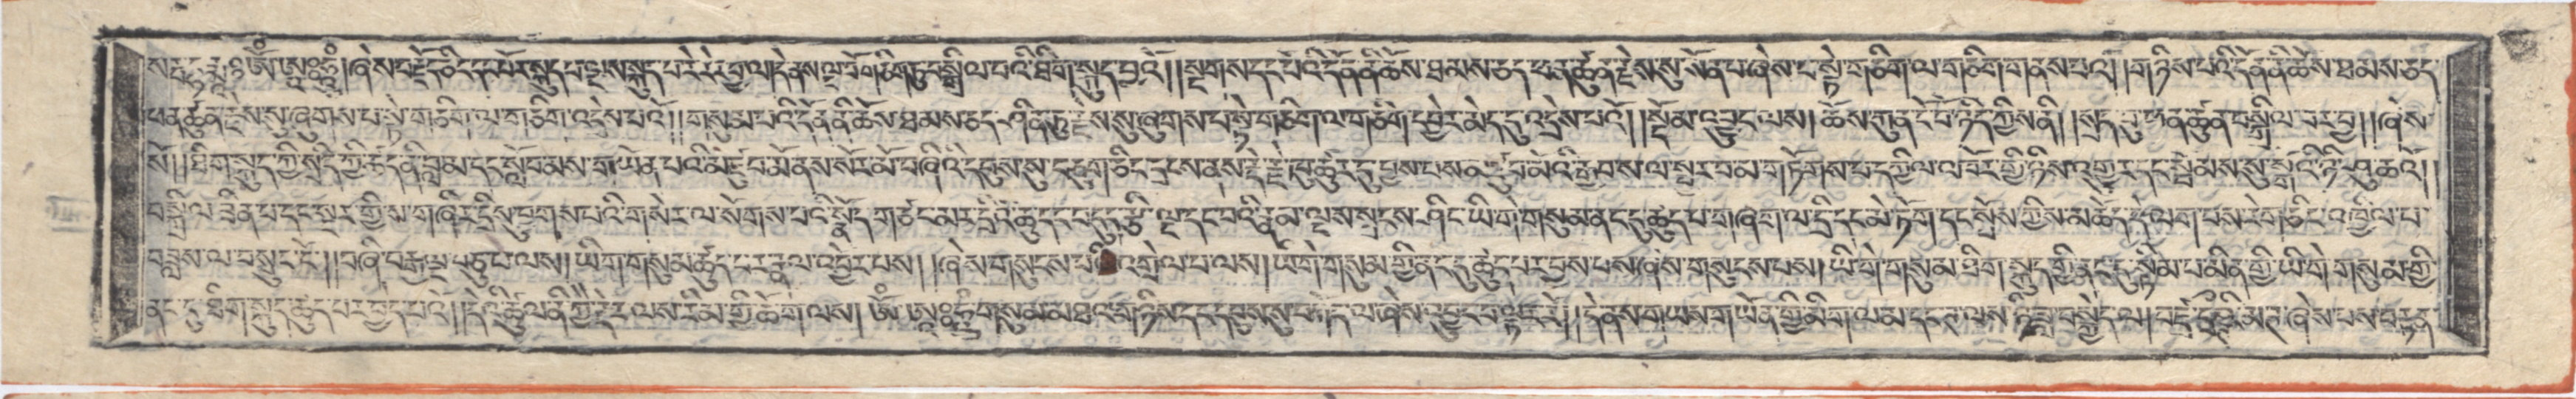སརྦ་དྷརྨཱཿ ཨོཾ་ཨཱཿ ཧཱུཾ། ཞེས་བརྗོད་ཅིང་དང་པོར་སྐུད་པ་ལྔས་སྐུད་པ་རེ་རེར་བྱ་ལ། དེ་ནས་ལྔ་པོ་གཅིག་ཏུ་བསྒྲིལ་བའི་ཐིག་སྐུད་བྱའོ། །སྔགས་དང་པོའི་དོན་ནི་ཆོས་ཐམས་ཅད་ཕན་ཚུན་རྗེས་སུ་སོན་པ་ཞེས་པ་སྟེ་གཅིག་ལ་གཅིག་གནས་པའོ། །གཉིས་པའི་དོན་ནི་ཆོས་ཐམས་ཅད་
ཕན་ཚུན་རྗེས་སུ་ཞུགས་པ་སྟེ་གཅིག་ལ་གཅིག་འདྲེས་པའོ། །གསུམ་པའི་དོན་ནི་ཆོས་ཐམས་ཅད་ཤིན་ཏུ་རྗེས་སུ་ཞུགས་པ་སྟེ་གཅིག་ལ་གཅིག་དབྱེར་མེད་དུ་འདྲེས་པའོ། །སྡོམ་འབྱུང་ལས། ཆོས་ཀུན་ངོ་བོ་ཉིད་ཀྱིས་ནི། །སྲད་བུ་ཕན་ཚུན་བསྒྲིལ་པར་བྱ། །ཞེས་
སོ། །ཐིག་སྐུད་ཀྱི་སྲིད་ཀྱི་ཚད་ནི་བླ་མ་དང་སློབ་མས་གཡོན་པའི་མཛུབ་མོ་ནས་སོར་མོ་བཞིའི་དབུས་སུ་བཅུག་ཅིང་དྲངས་ནས་རྡོ་རྗེ་ཁུ་ཚུར་དུ་བྱས་པས་མཛུབ་མོའི་རྒྱབ་ས་ལ་སྦྱར་བ་མ་གཏོགས་པ་དཀྱིལ་འཁོར་གྱི་ཉིས་འགྱུར་དང་སྦོམས་སུ་སྒོའི་ཉི་ཤུ་ཆེའོ། །
བསྒྲིལ་ཟིན་པ་དང་སྔར་གྱི་ས་གཞིར་དྲིས་བྱུགས་པའི་གསེར་ལ་སོགས་པའི་སྣོད་གཙང་མར་དྲིའི་ཆུ་དང་བདུད་རྩི་ལྔ་དང་བའི་རྣམ་ལྔས་སྤངས་ཤིང་ཡི་གེ་གསུམ་ནང་དུ་ཚུད་པ་གཞག་ལ་དྲི་དང་མེ་ཏོག་དང་སྤོས་ཀྱིས་མཆོད་དེ་ལག་པས་རེག་ཅིང་འཁྱིལ་པ་
བཟླས་ལ་བསྲུང་ངོ། །བཞི་བརྒྱ་ལྔ་བཅུ་པ་ལས། ཡིག་གསུམ་ཚུད་པར་རྣལ་འབྱོར་པས། །ཞེས་གསུངས་པའི་འགྲེལ་པ་ལས། ཡི་གེ་གསུམ་གྱི་ནང་དུ་ཚུད་པར་བྱས་པས་ཞེས་གསུངས་པས། ཡི་གེ་གསུམ་ཐིག་སྐུད་གྱི་ནང་དུ་སྟིམ་པ་མིན་གྱི་ཡི་གེ་གསུམ་གྱི་
ནང་དུ་ཐིག་སྐུད་ཚུད་པར་བྱེད་པའོ། །དེའི་ཚུལ་ནི་ཀྱཻ་རྡོར་ལས་རིམ་གྱི་ཆོག་ལས། ཨོཾ་ཨཱཿ ཧཱུཾ་གསུམ་མཐའ་གཉིས་དང་དབུས་སུ་བཀོད་ལ་ཞེས་འབྱུང་བ་ལྟར་རོ། །དེ་ནས་གཡས་གཡོན་གྱི་མིག་ལམ་དང་ཊ་ལས་ཉི་ཟླ་བསྐྱེད་ལ། བཛྲ་དྲྀཥྚི་མ་ཊ་ཞེས་པས་བརྟན་